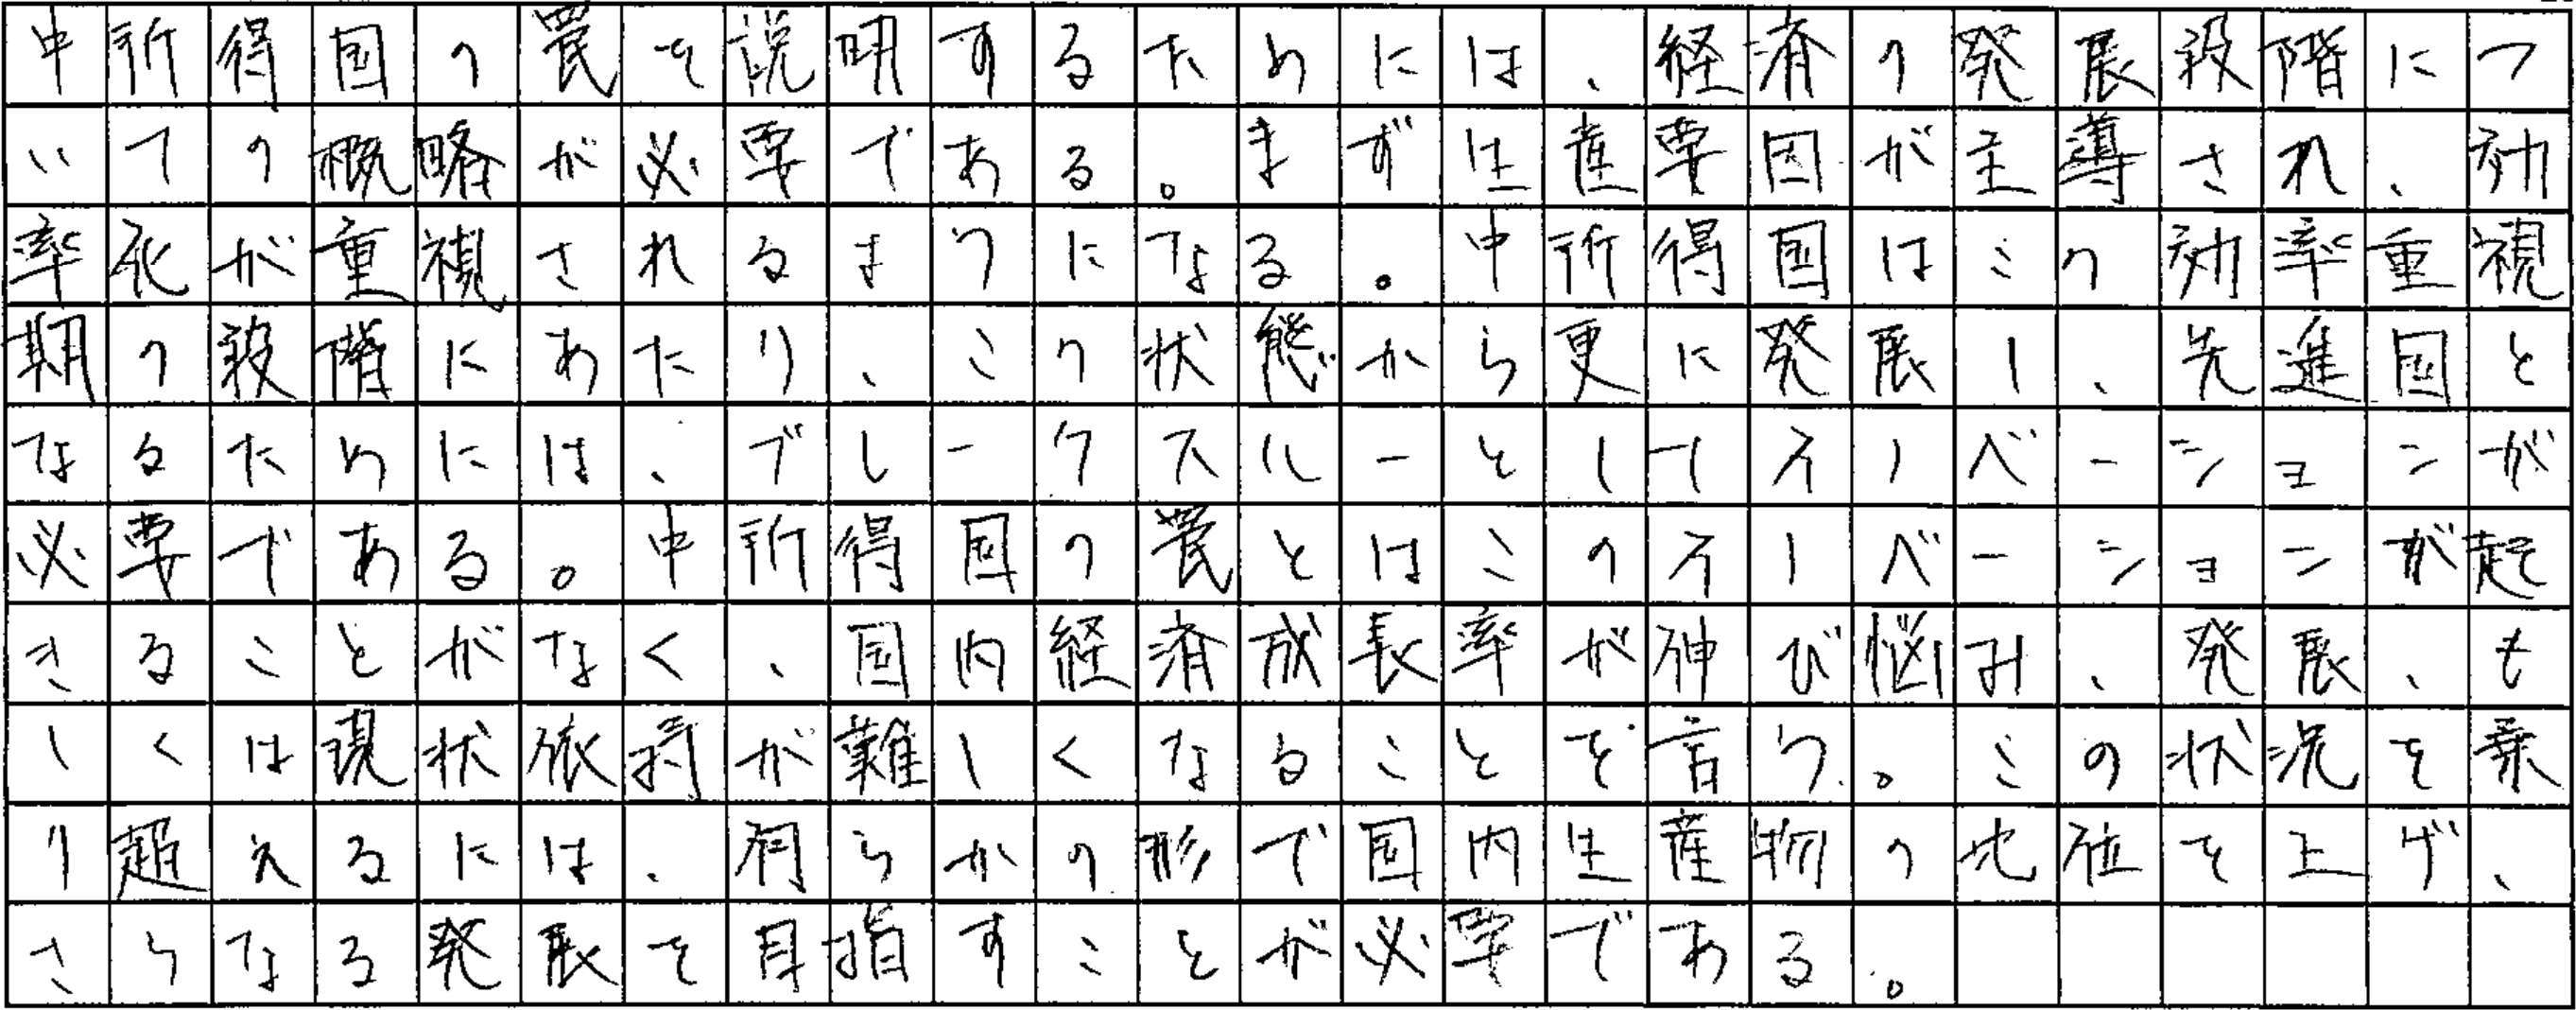中所得国の罠を説明するためには、経済の発展段階についての概略が必要である。まず生産要因が主導され、効率化が重視されるようになる。中所得国はこの効率重視期の段階にあたり、この状態から更に発展し、先進国となるためには、ブレークスルーとしてイノベーションが必要である。中所得国の罠とはこのイノベーションが起きることがなく、国内経済成長率が伸び悩み、発展、もしくは現状依持が難しくなることを言う。この状況を乗り超えるには、何らかの形で国内生産物の地位を上げ、さらなる発展を目指すことが必要である。
